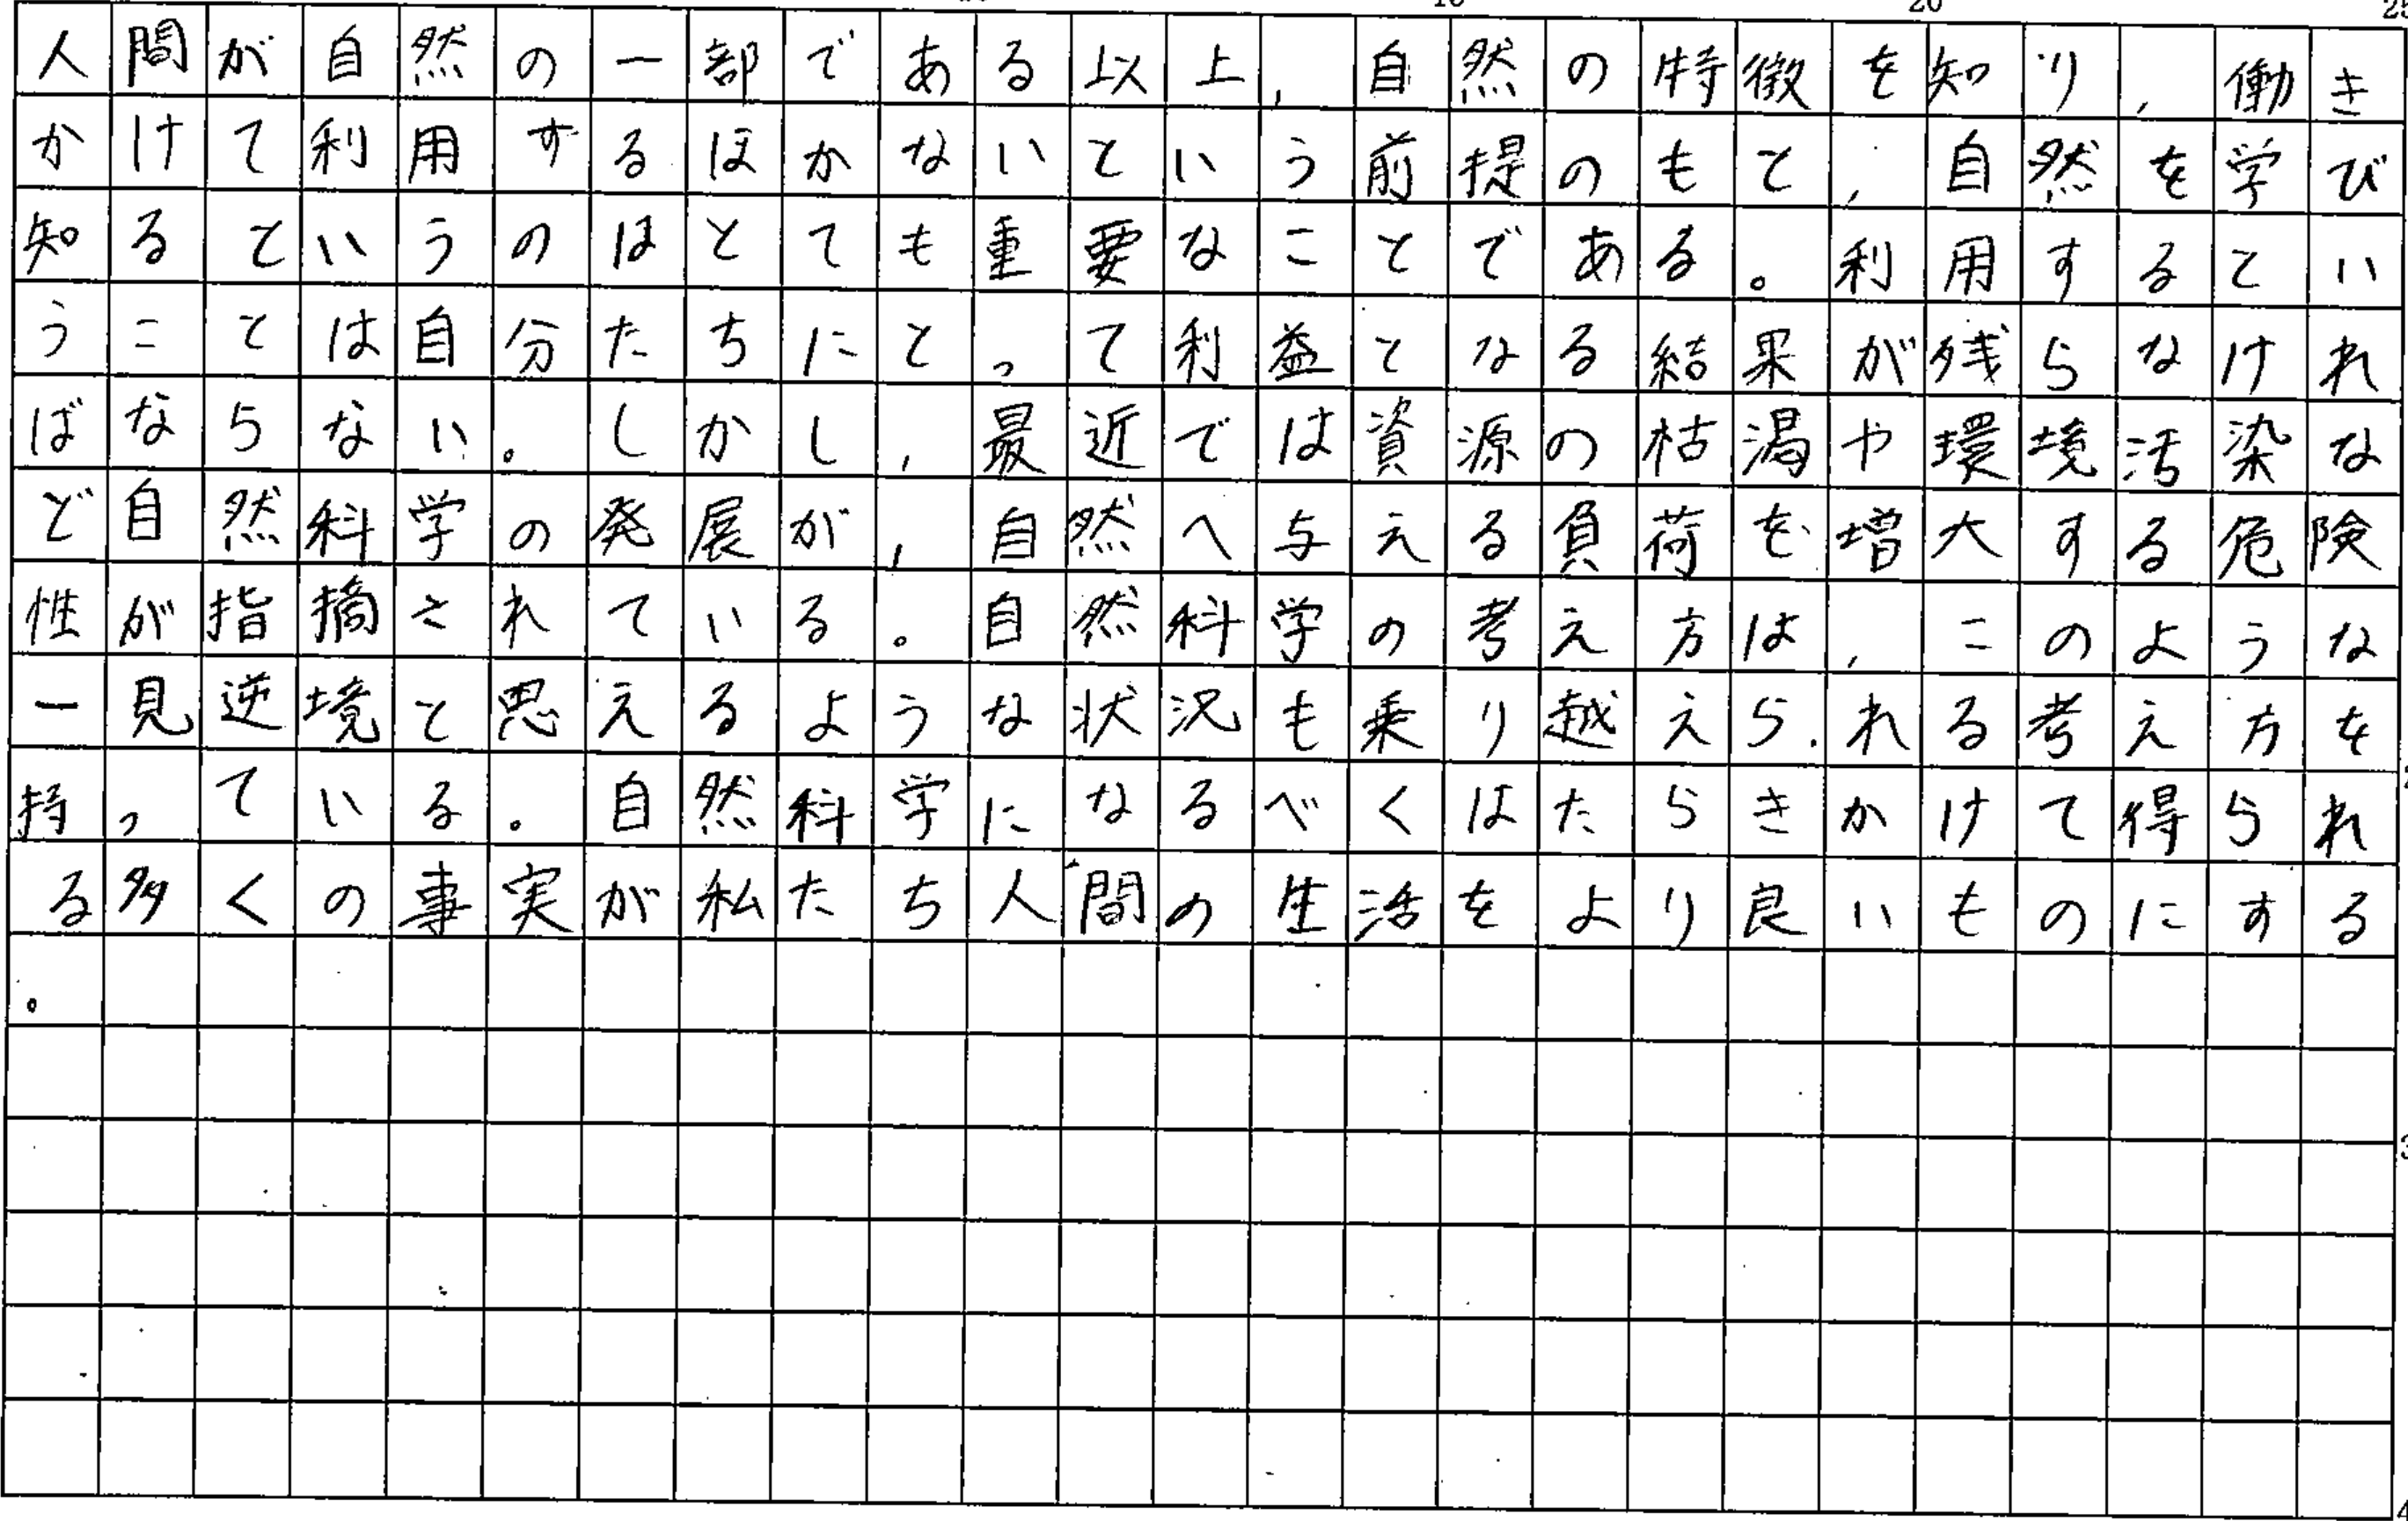人間が自然の一部である以上、自然の特徴を知り、働きかけて利用するほかないという前提のもと、自然を学び知るというのはとても重要なことである。利用するということは自分たちにとって利益となる結果が残らなければならない。しかし、最近では資源の枯渇や環境汚染など自然科学の発展が、自然へ与える負荷を増大する危険性が指摘されている。自然科学の考え方は、このような一見逆境と思えるような状況も乗り越えられる考え方を持っている。自然科学になるべくはたらきかけて得られる多くの事実が私たち人間の生活をより良いものにする。
